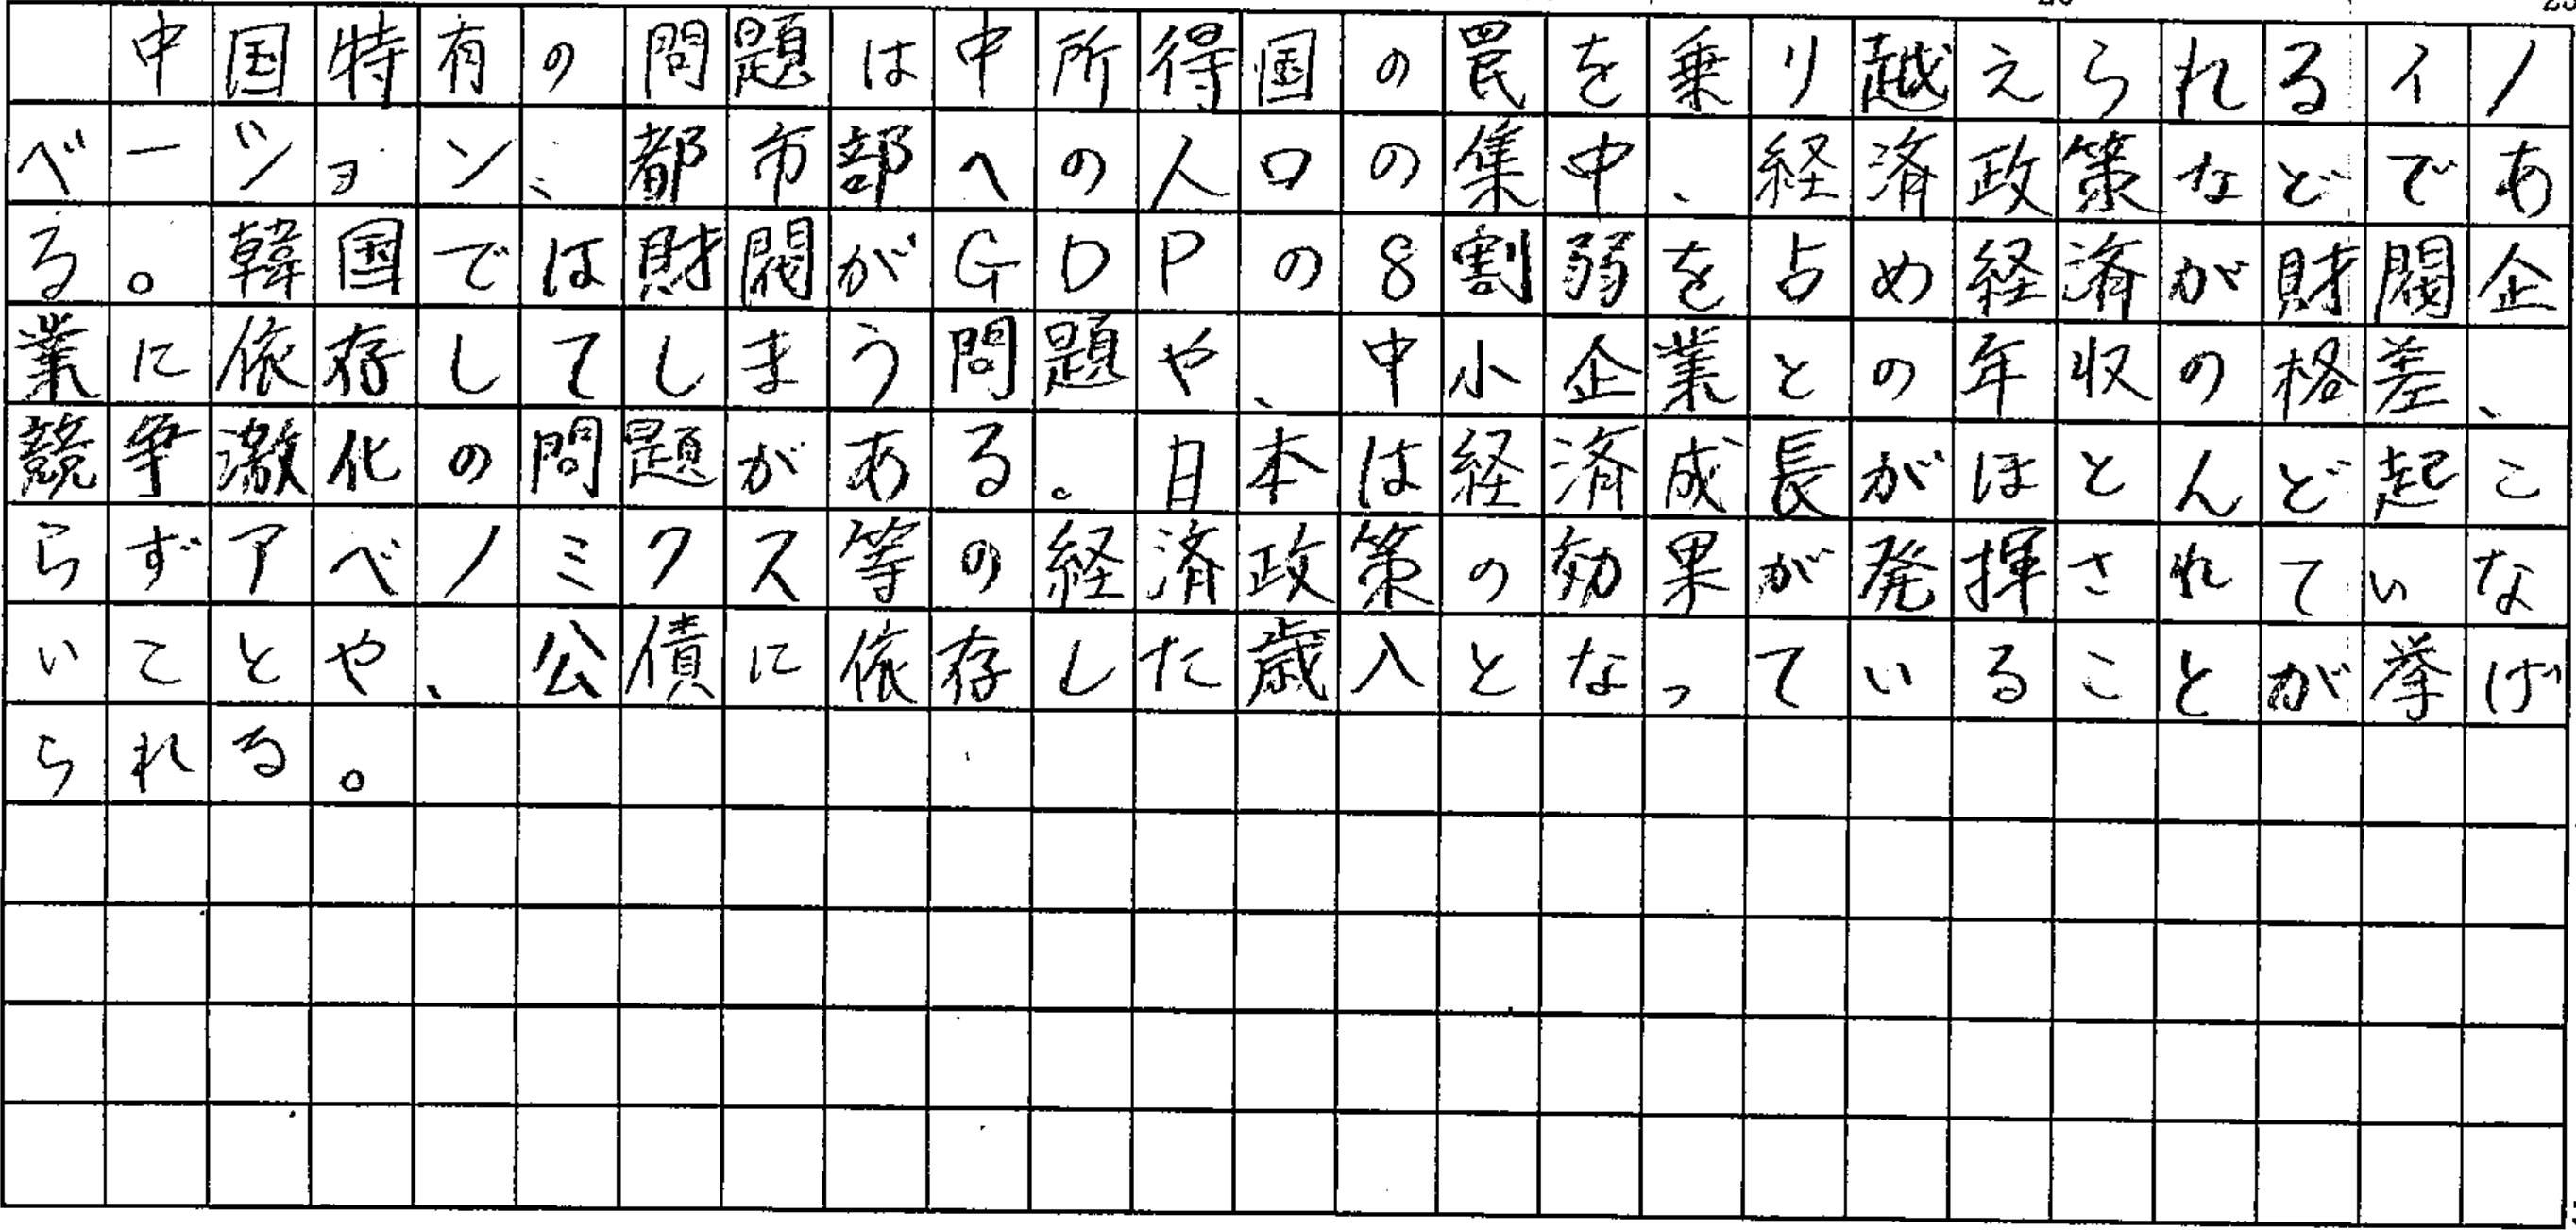　中国特有の問題は中所得国の罠を乗り越えられるイノベーション、都市部への人口の集中、経済政策などである。韓国では財閥がＧＤＰの８割弱を占め経済が財閥企業に依存してしまう問題や、中小企業との年収の格差、競争激化の問題がある。日本は経済成長がほとんど起こらずアベノミクス等の経済政策の効果が発揮されていないことや、公債に依存した歳入となっていることが挙げられる。
